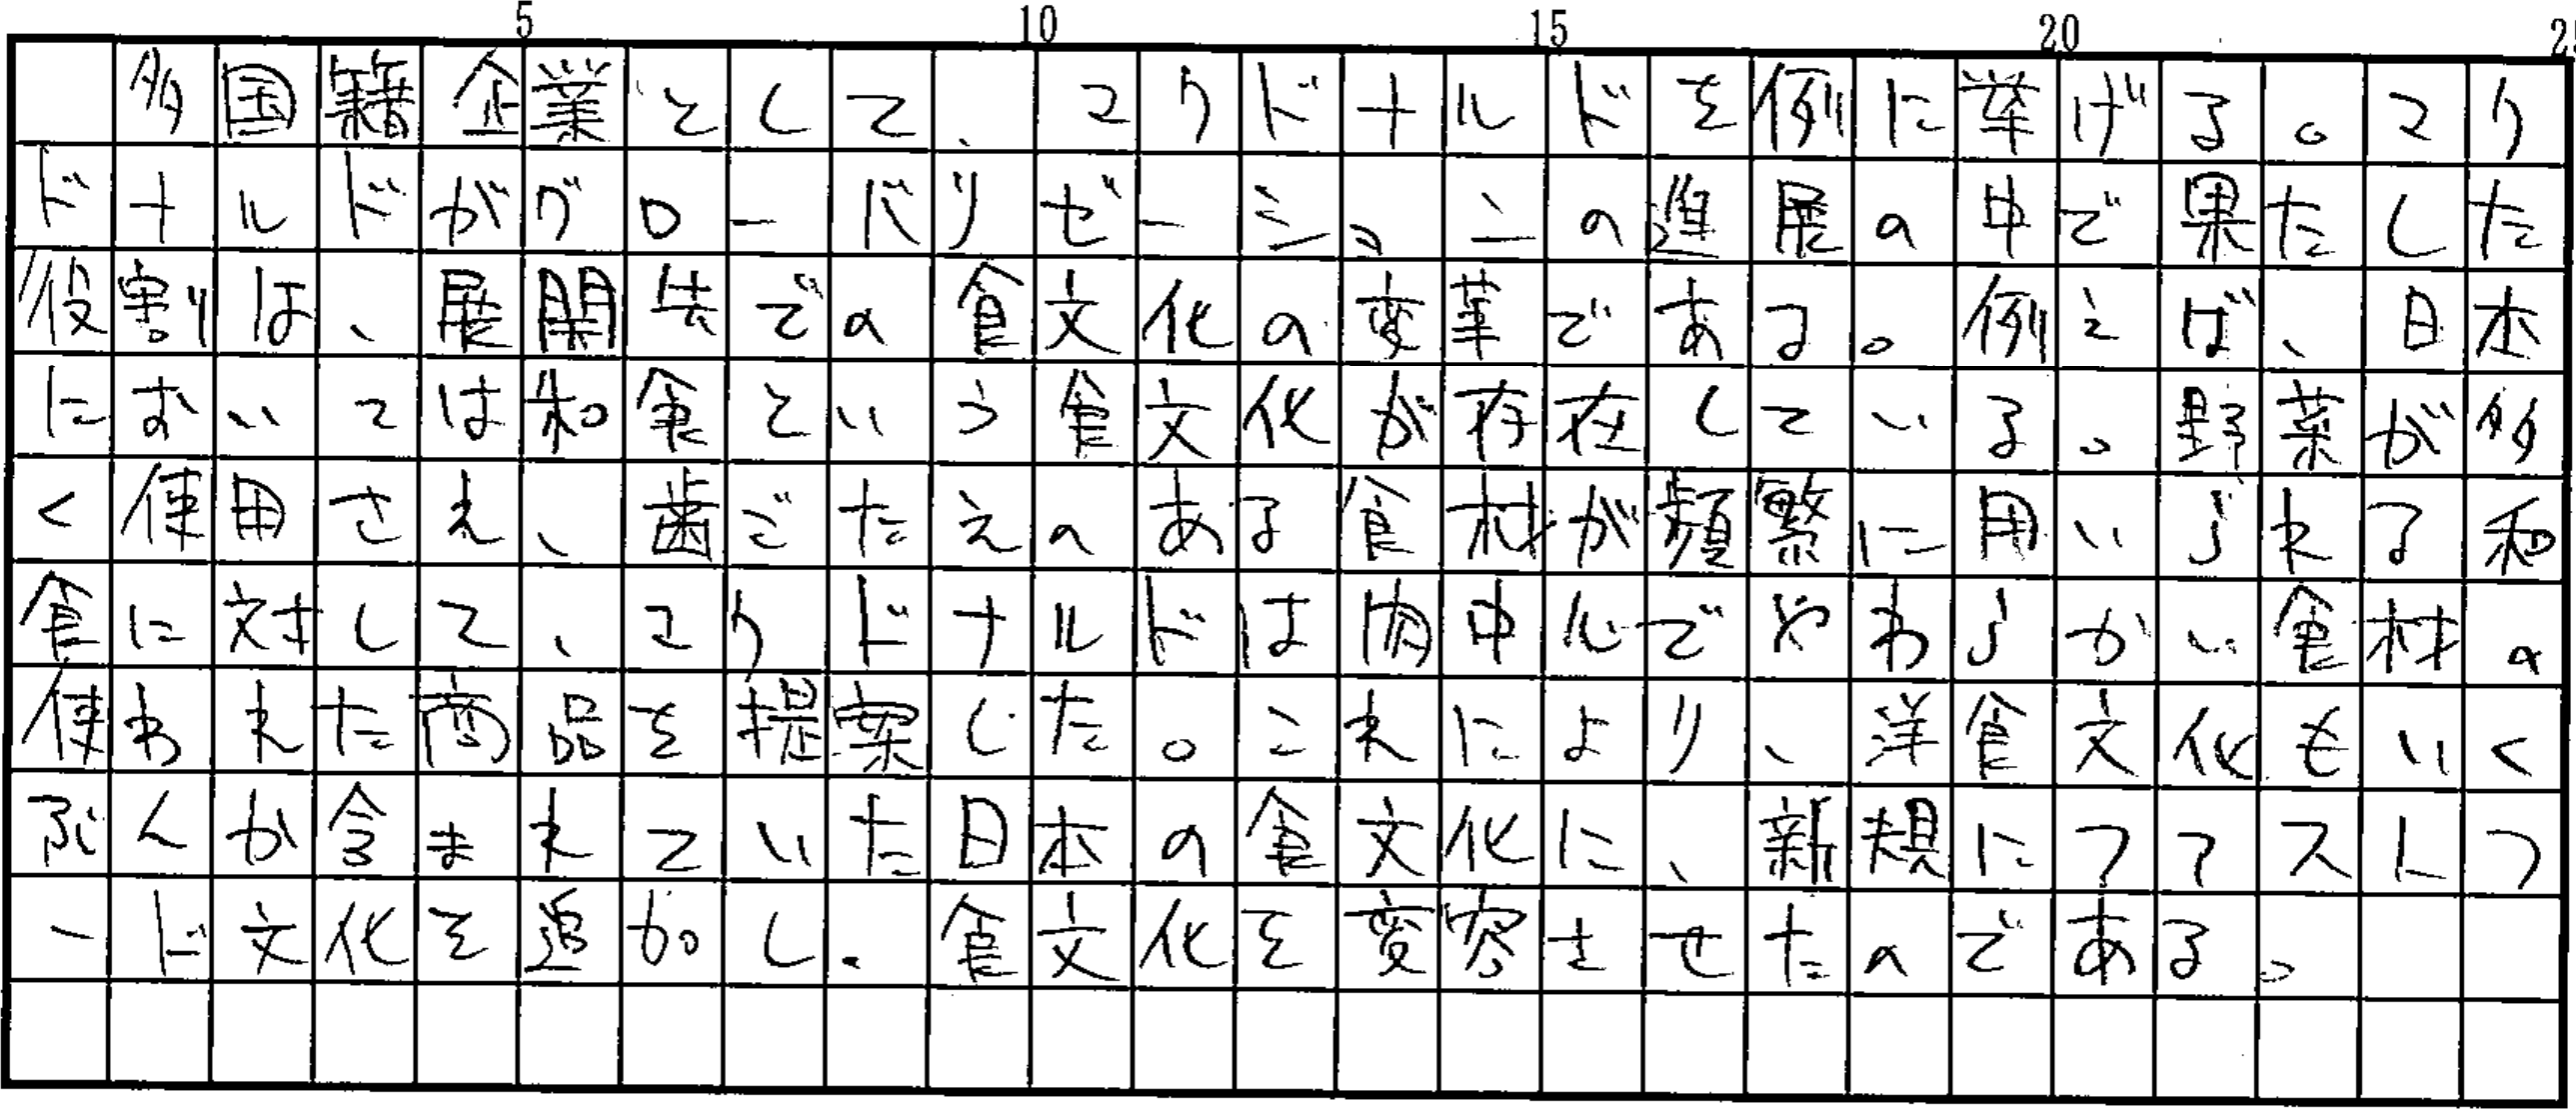　多国籍企業として、マクドナルドを例に挙げる。マクドナルドがグローバリゼーションの進展の中で果たした役割は、展開先での食文化の変革である。例えば、日本においては和食という食文化が存在している。野菜が多く使用され、歯ごたえのある食材が頻繁に用いられる和食に対して、マクドナルドは肉中心でやわらかい食材の使われた商品を提案した。これにより、洋食文化もいくぶんか含まれていた日本の食文化に、新規にファストフード文化を追加し、食文化を変容させたのである。
